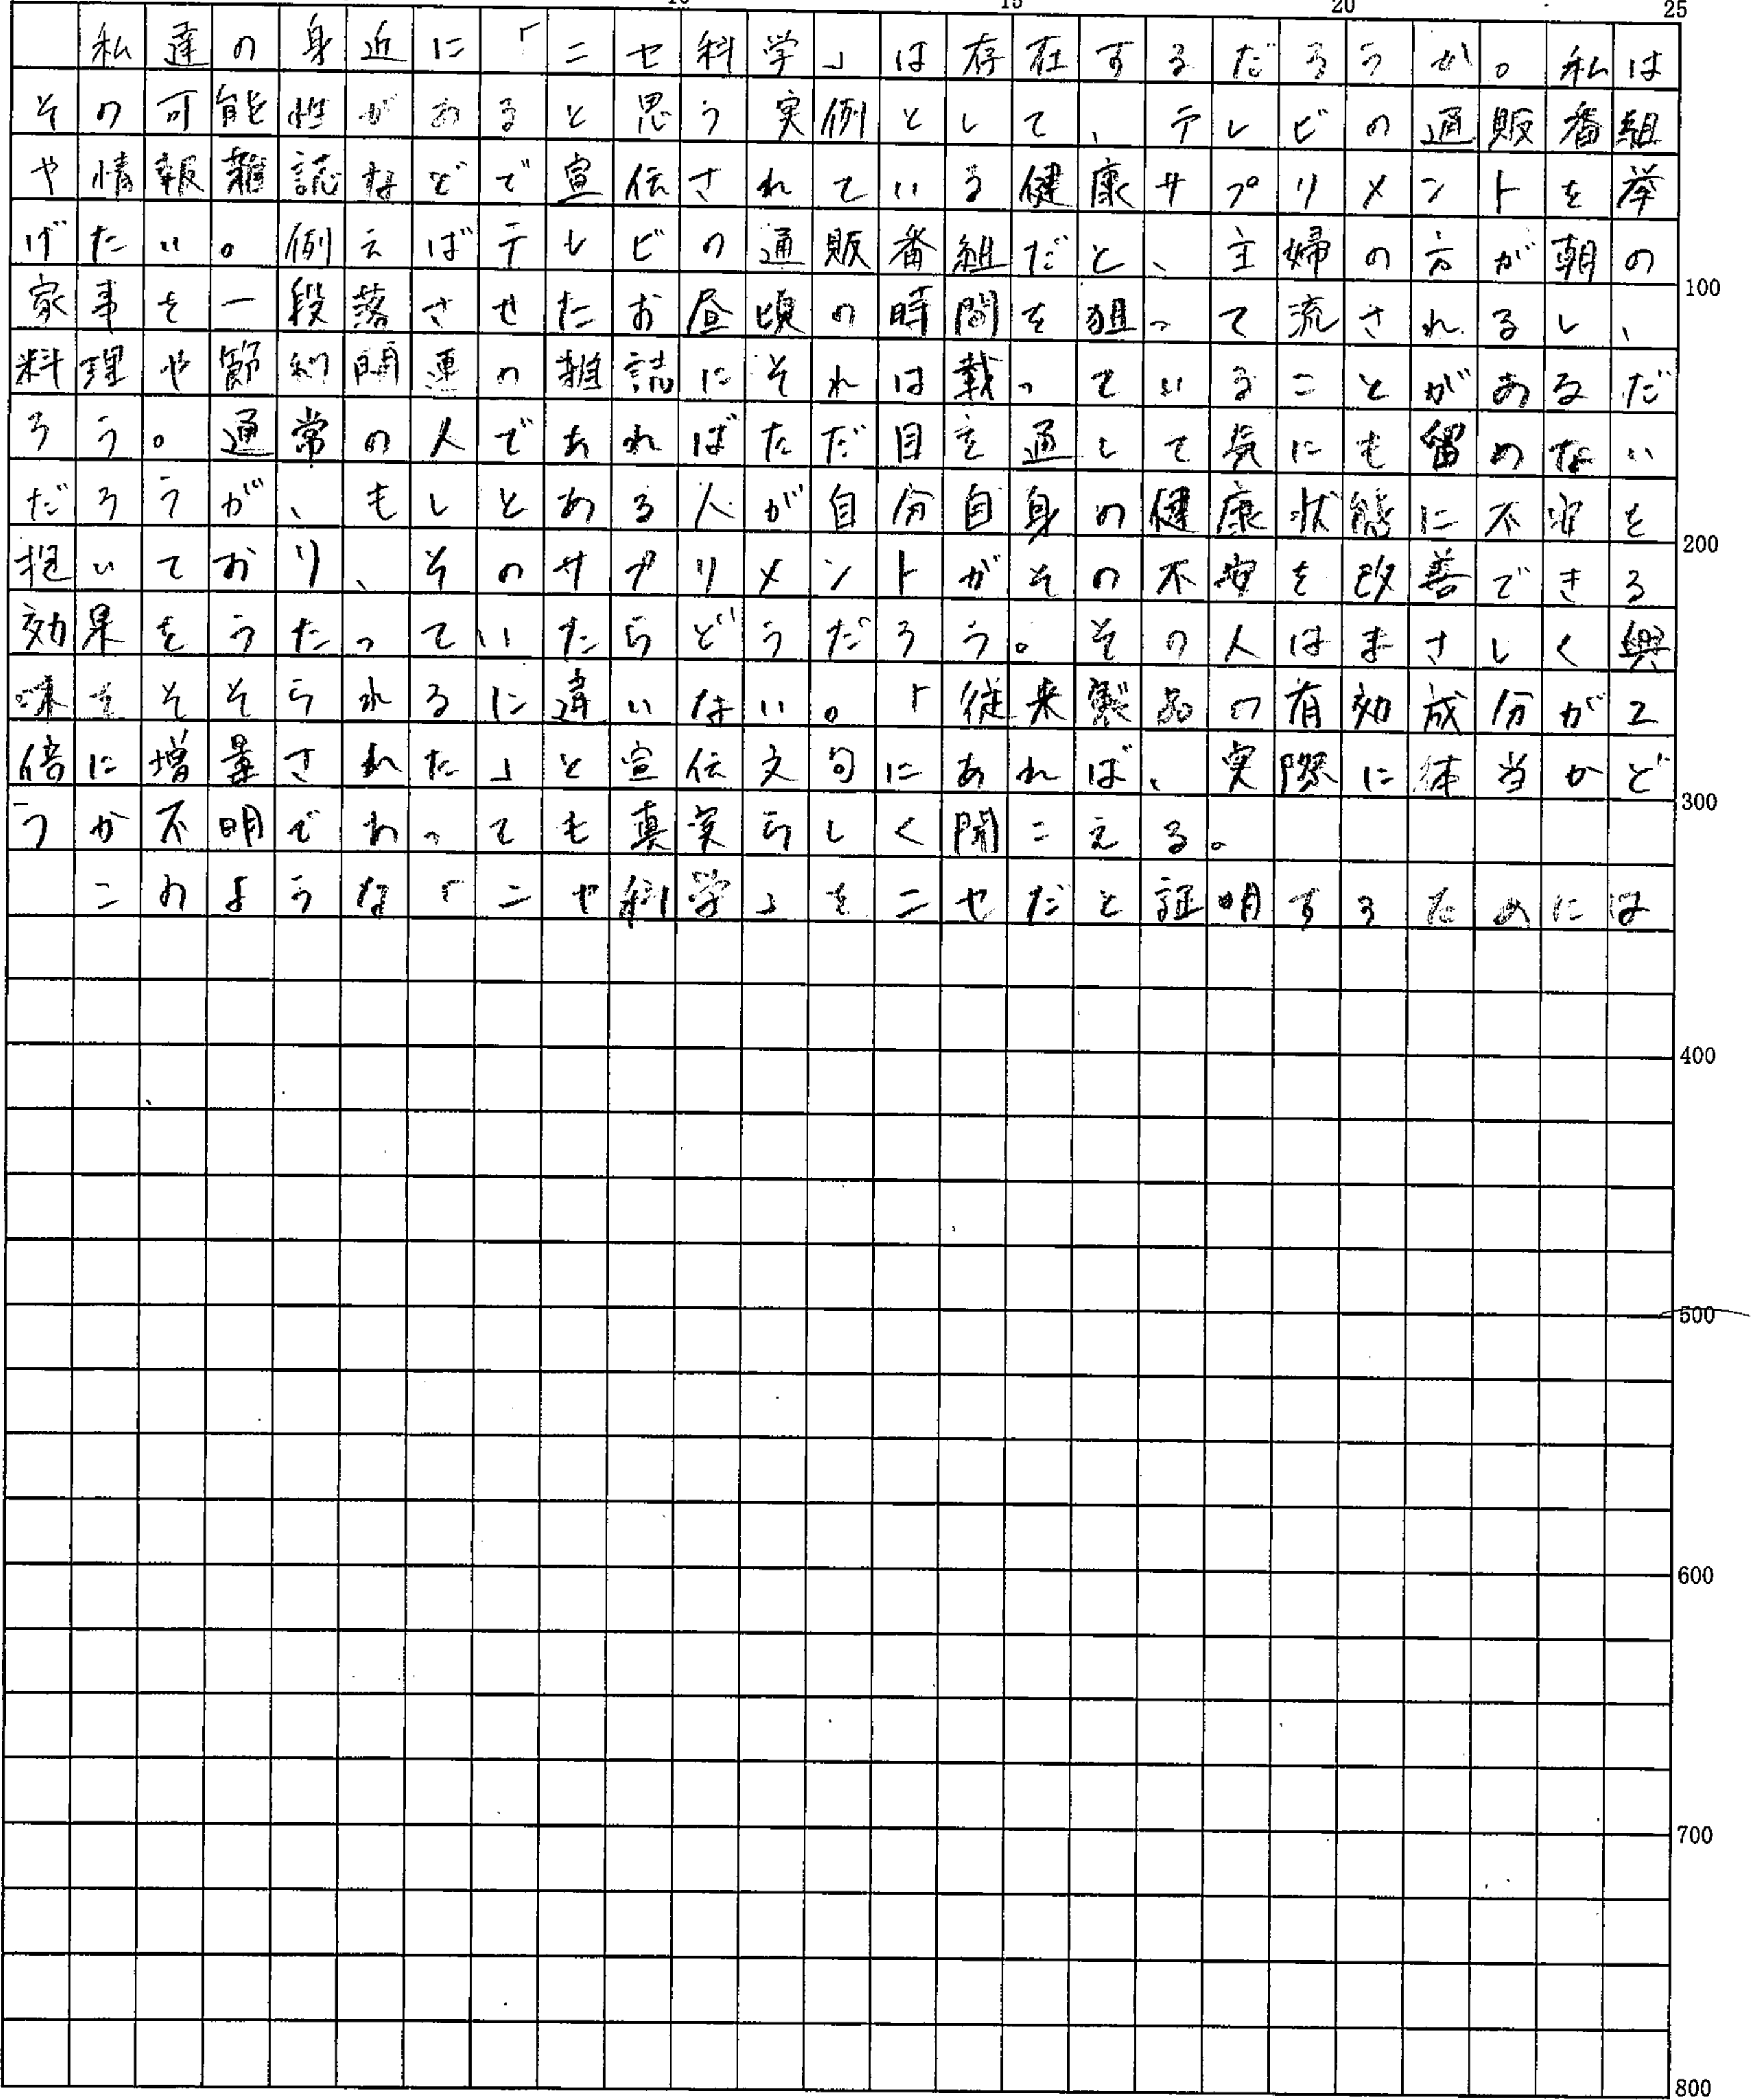　私達の身近に「ニセ科学」は存在するだろうか。私はその可能性があると思う実例として、テレビの通販番組や情報雑誌などで宣伝されている健康サプリメントを挙げたい。例えばテレビの通販番組だと、主婦の方が朝の家事を一段落させたお昼頃の時間を狙って流されるし、料理や節約関連の雑誌にそれは載っていることがあるだろう。通常の人であればただ目を通して気にも留めないだろうが、もしとある人が自分自身の健康状態に不安を抱いており、そのサプリメントがその不安を改善できる効果をうたっていたらどうだろう。その人はまさしく興味をそそられるに違いない。「従来製品の有効成分が２倍に増量された」と宣伝文句にあれば、実際に本当かどうか不明であっても真実らしく聞こえる。
　このような「ニセ科学」をニセだと証明するためには
